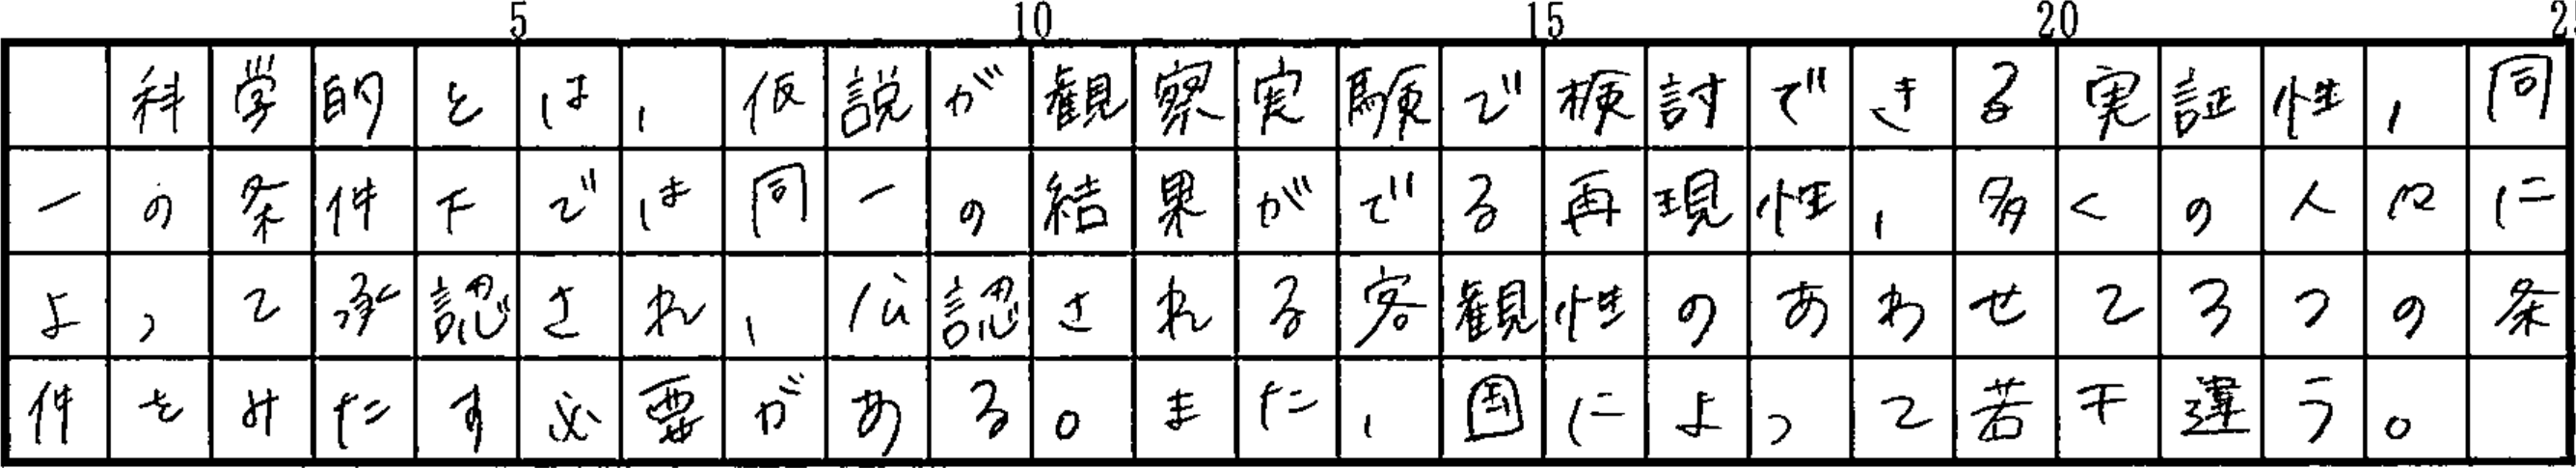　科学的とは、仮説が観察実験で検討できる実証性、同一の条件下では同一の結果がでる再現性、多くの人々によって承認され、公認される客観性のあわせて３つの条件をみたす必要がある。また、国によって若干違う。
